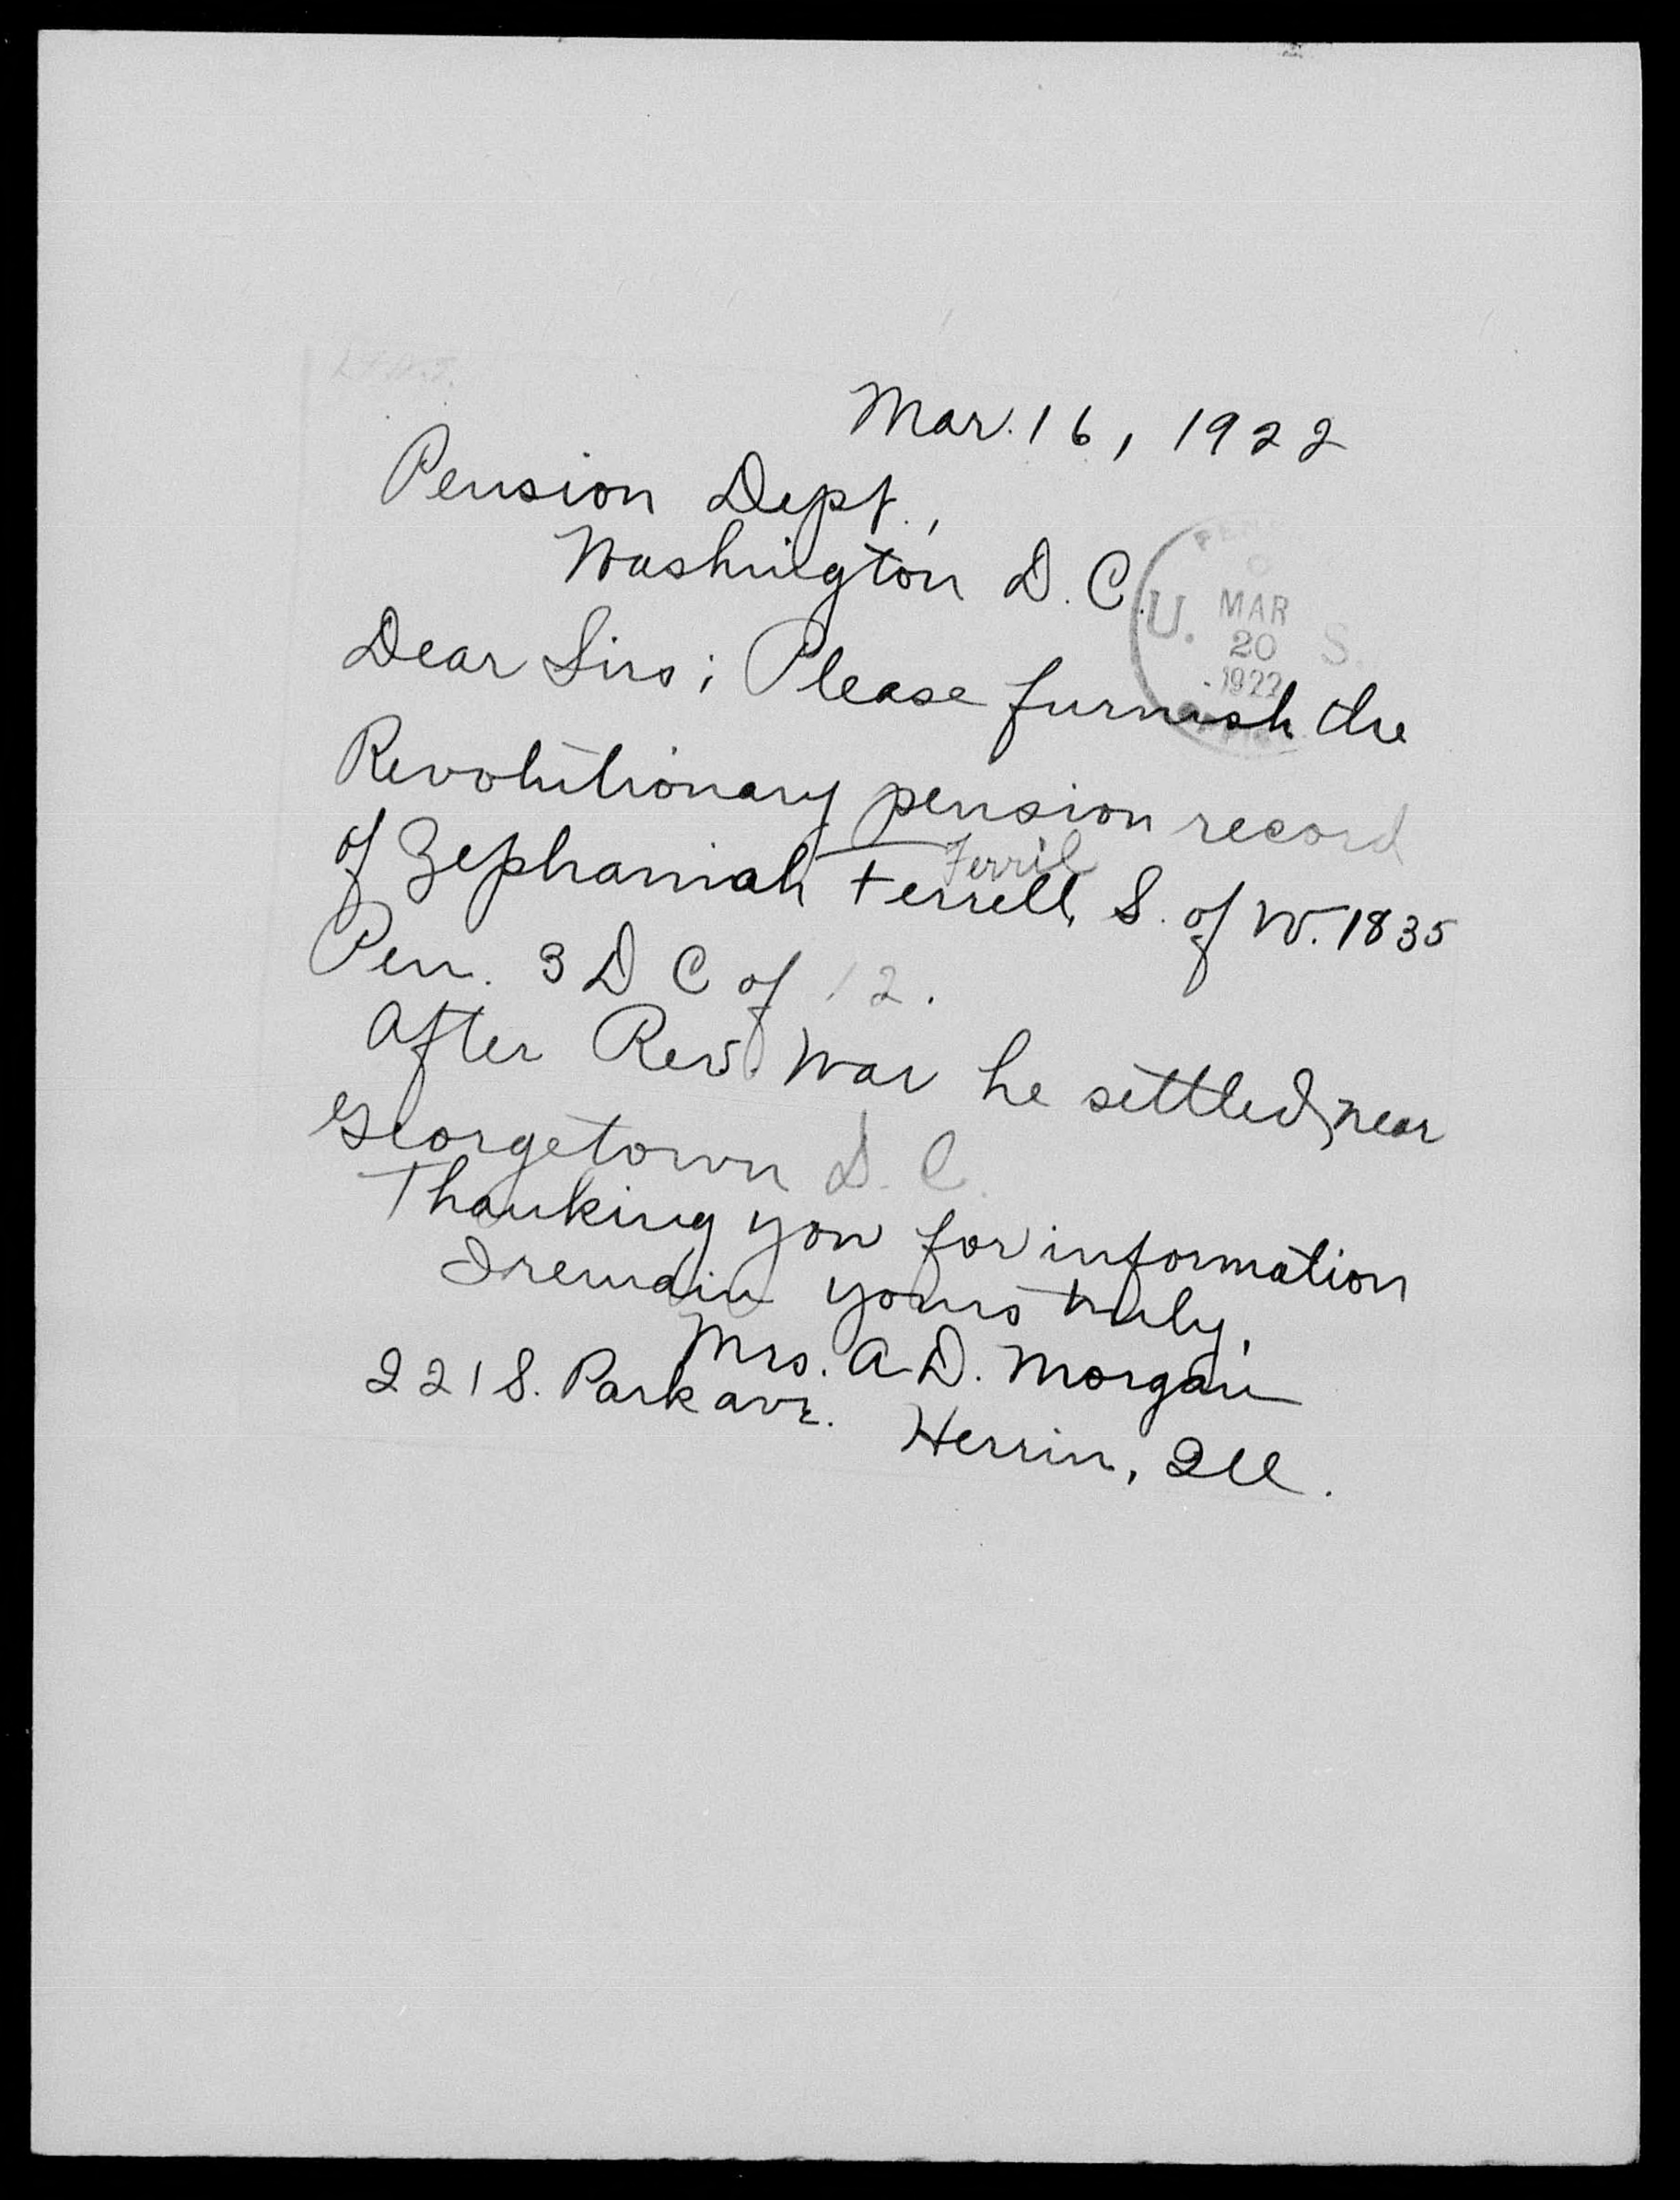[Stamped U.S. Pension Office Mar. 20 1922]

Mar. 16, 1922
Pension Dept., Washington D.C.

Dear Sirs: Please furnish the Revolutionary pension record of Zephaniah Ferrell (Ferril), S. of W. 1835 Pen. 3 D.C. of 12.

After Rev. War he settled near Georgetown D.C.

Thanking you for information I remain yours truly,
Mrs. A. D. Morgan
221 S Park Ave. 
Herrin, Ill.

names: Zephaniah Ferrell, A D Morgan, Zephaniah Ferril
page: 8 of 12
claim: survivor's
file: S. 35928, Zephaniah Ferrill, Cont. (Va)